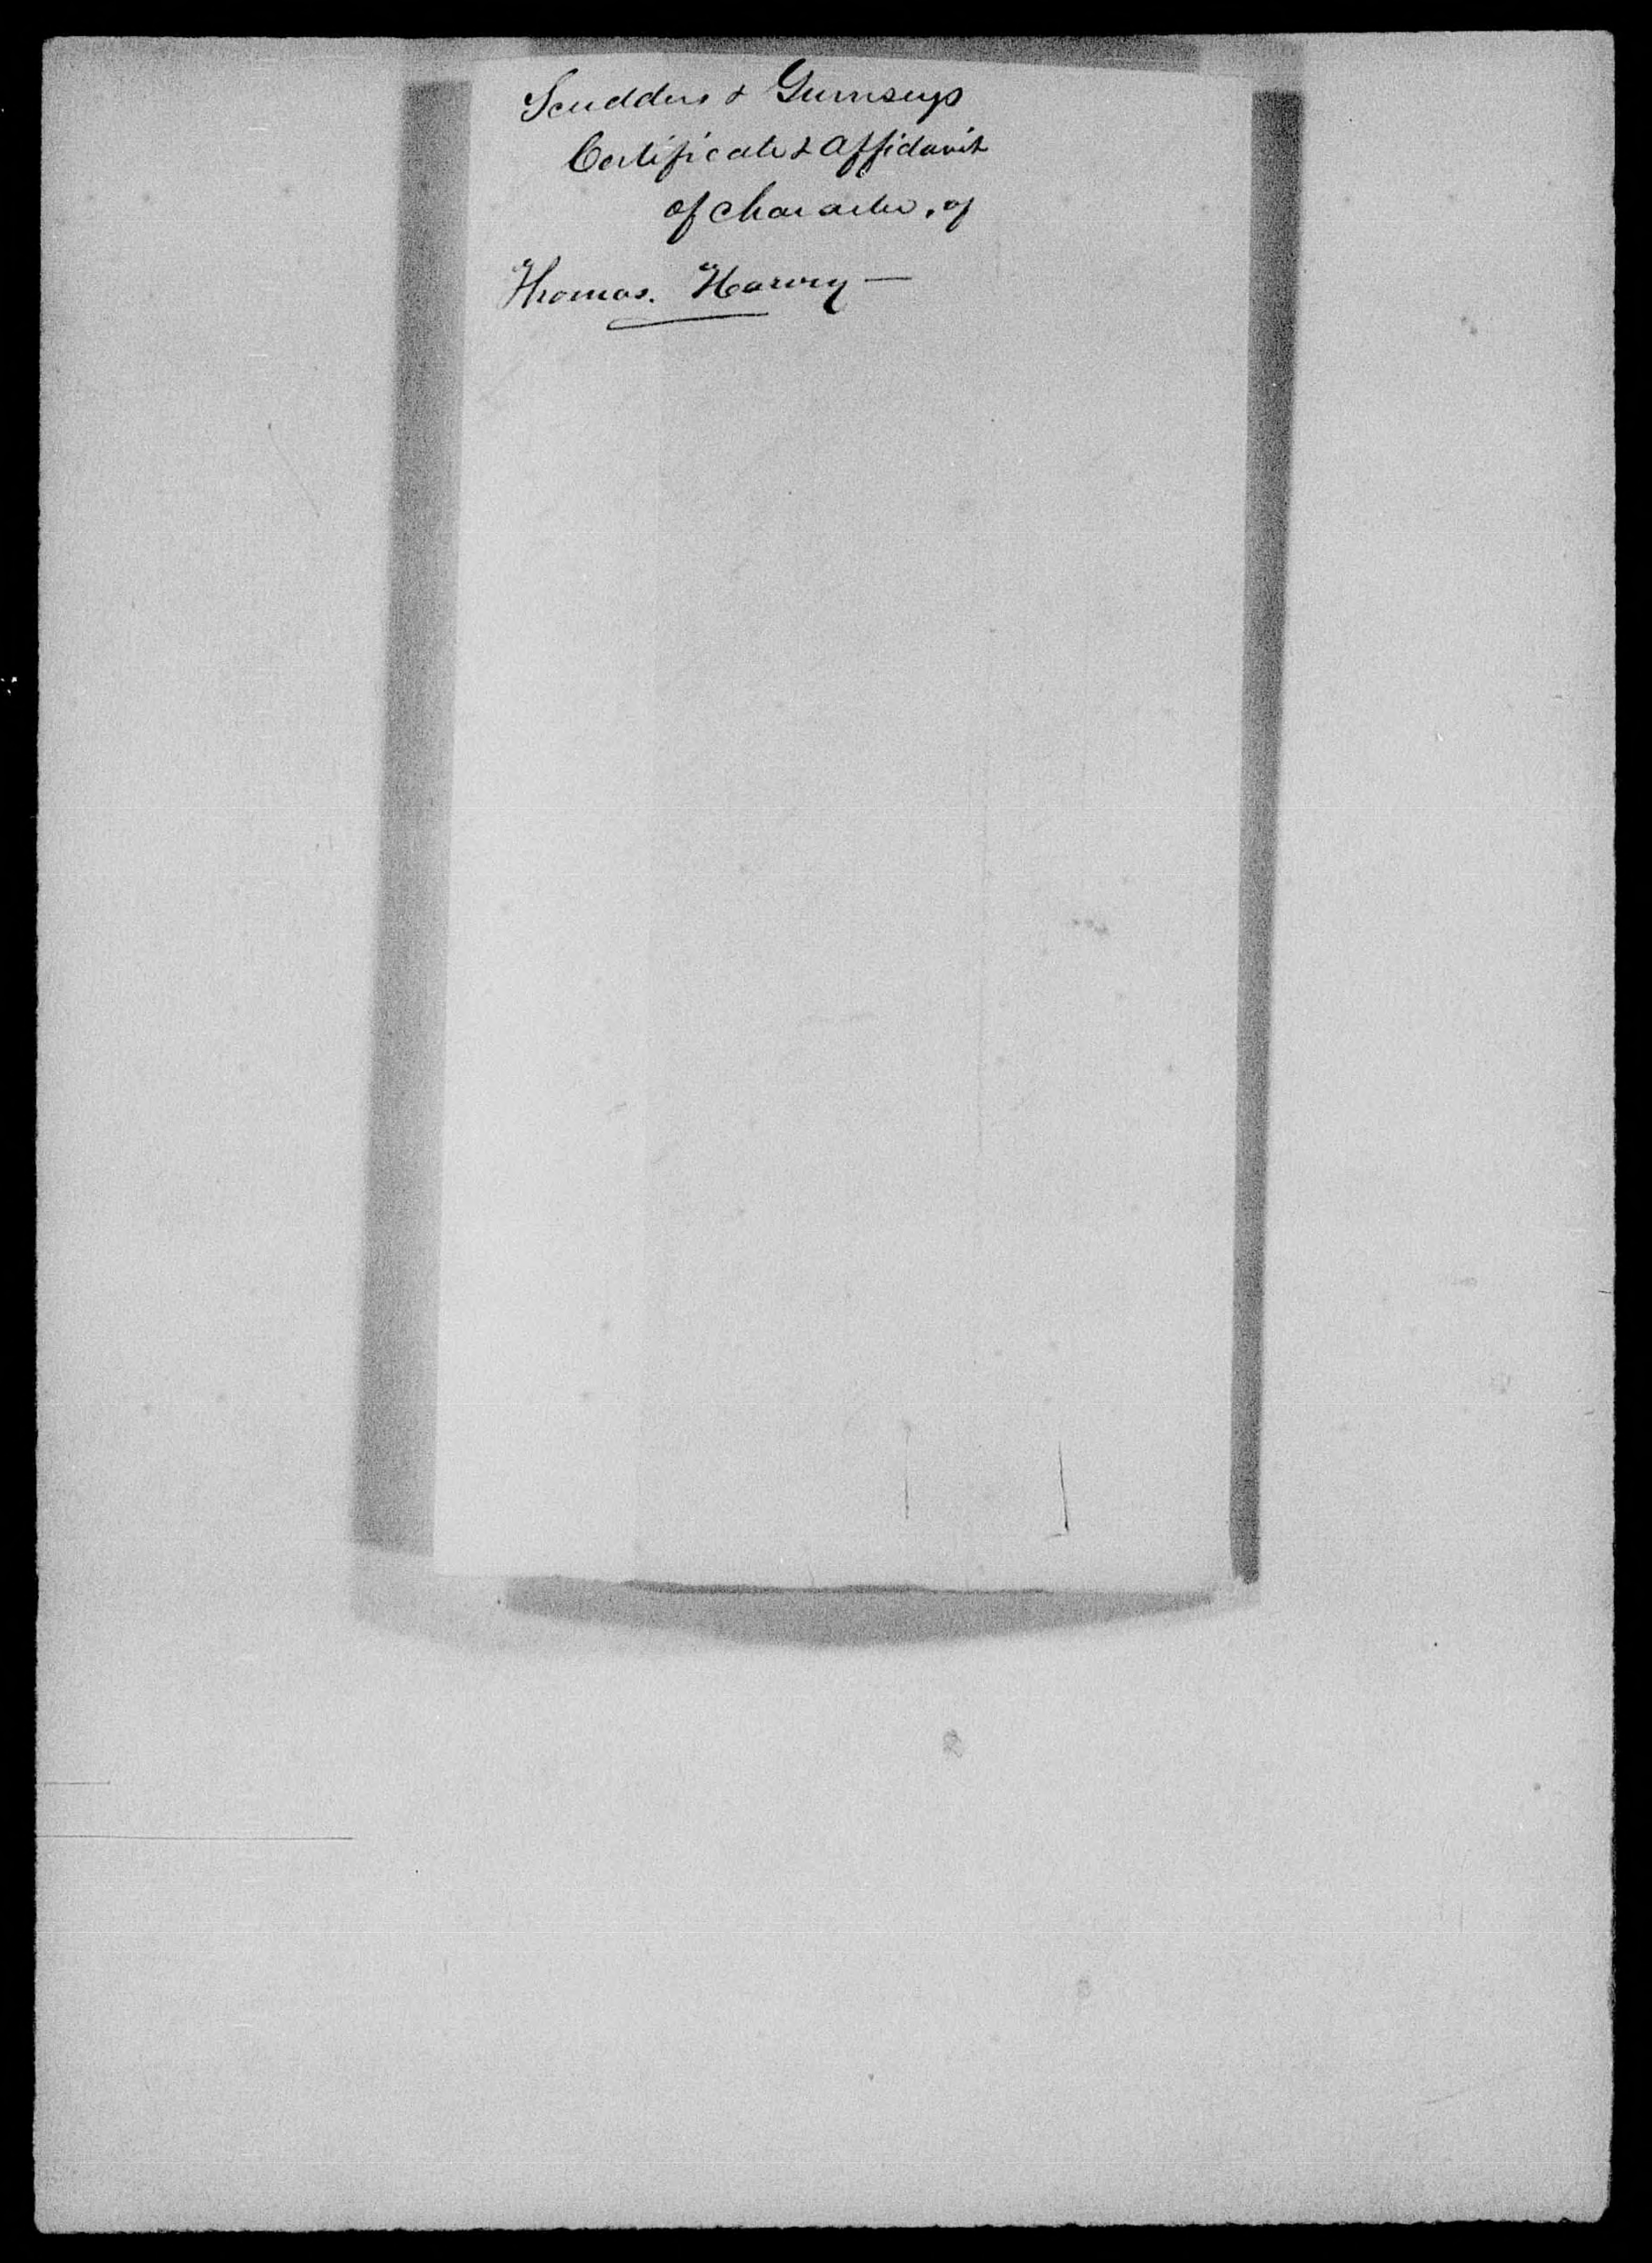Scudders & Gurnsey's Certificate & Affidavit of character of Thomas Harvey -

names: Thomas Harvey, Gurnsey, Scudder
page: 28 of 80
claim: survivor's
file: S. 18008, Thomas Harvey, N.H.